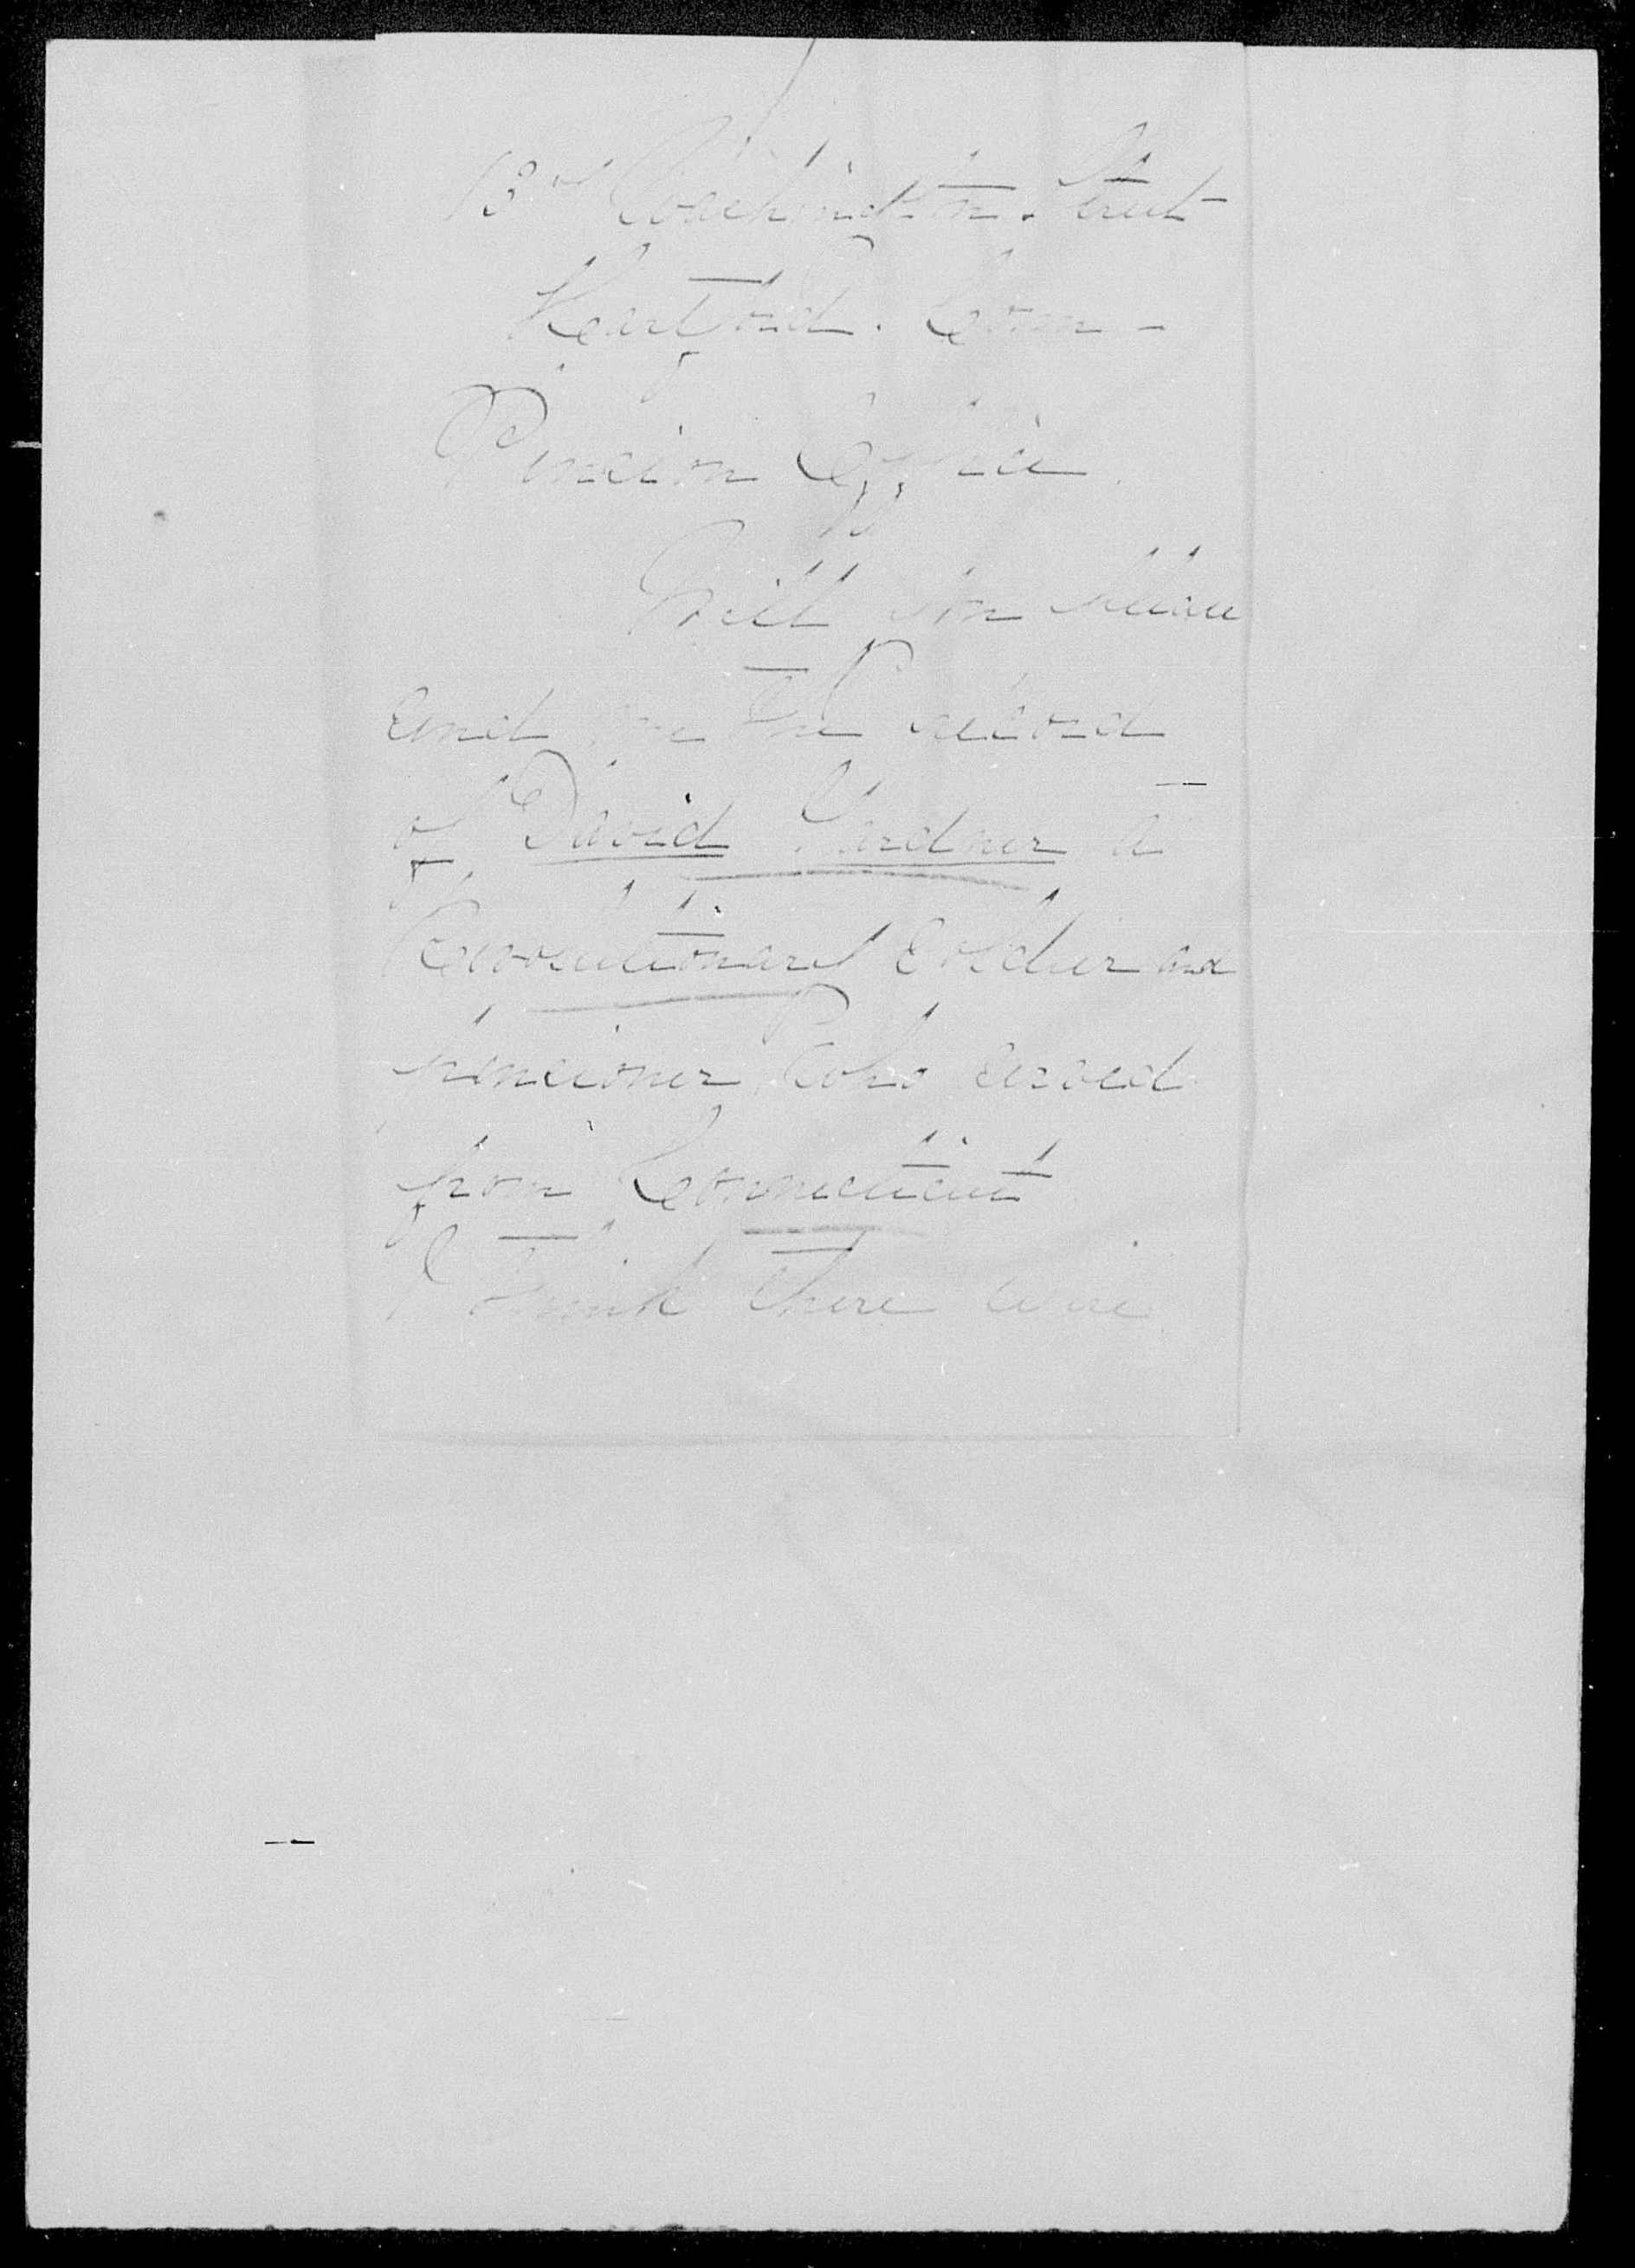13 Washington Street
Hartford, Conn
Pension Office


Will you please send me the record 
of David Gardner a
Revolutionary soldier and
pensioner who served
from Connecticut.
I think there were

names: David Gardner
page: 40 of 66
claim: widow's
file: W 1850, David Gardner, Conn.